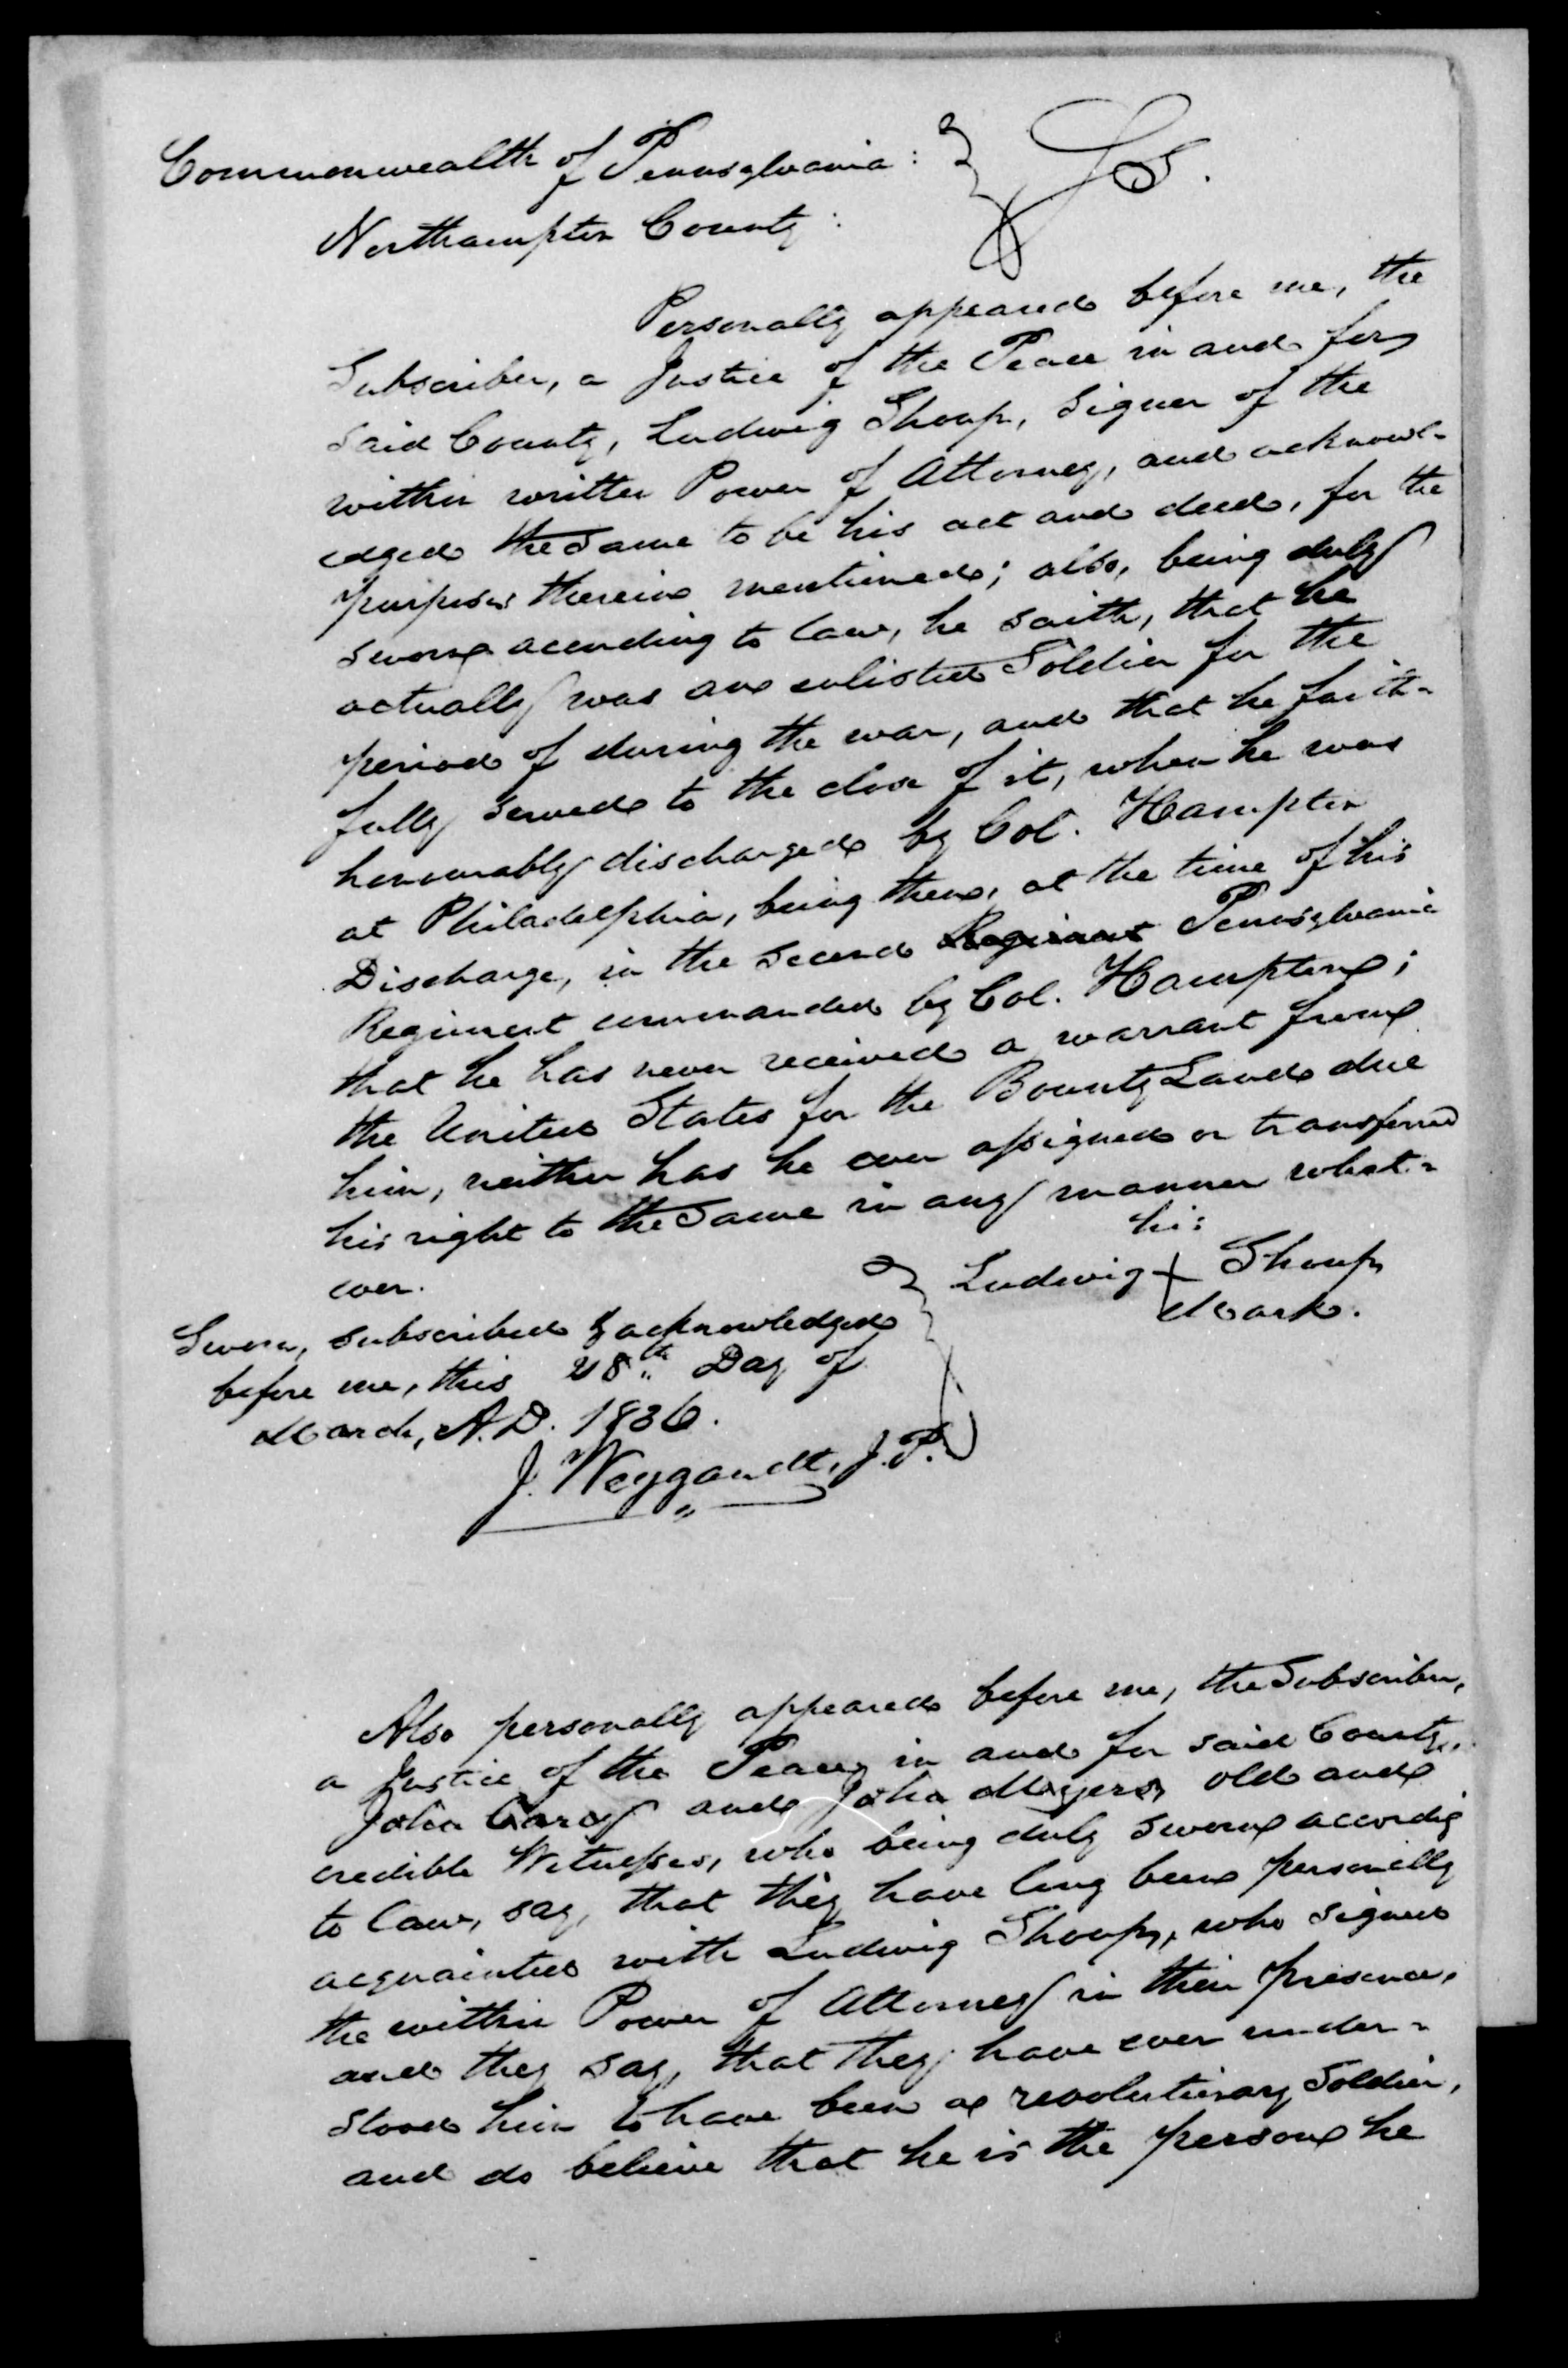Commonwealth of Pennsylvania : }
Northampton County : } ss.
Personally appeared before me, the Subscriber, a Justice of the Peace in and for said County, Ludwig Shoup, signer of the withing written Power of Attorney, and acknowledge the same to be his act and deed, for the purpose therein mentioned; also, being duly sworn according to law, he saith, that he actually was an enlisted Soldier for the period of during the war, and that he faithfully served to the close of it, when he was honorably discharged by Col. Hampton at Philadelphia, being there at the time of his Discharge, in the Second Pennsylvania Regiment commanded by Col. Hampton; that he has never received a warrant from the United States for the Bounty Land due him, neither has he ever assigned or transferred his right to the same in any manner whatsoever.
(Signed) Ludwig (his X mark) Shoup

Sworn, Subscribed & acknowledged }
before me, this 28th Day of }
March, A.D. 1836 }
(Signed) J. Weygandt, J. P.

Also personally appeared before me, the Subscriber, as Justice of the Peace in and for said County, John Carey and John Myers old and credible Witnesses, who being duly sworn according to law, say that they have long been personally acquainted with Ludwig Shoup, who signed the withing Power of Attorney in their presence, and they say, that they have ever understood him to have been a revolutinonary Soldier, and do believe that he is the person he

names: [BLANK] Hampton; [BLANK] Hampton; John Myers; John Carey; Ludwig Shoup; Ludwig Shoup; J Weygandt; Ludwig Shoup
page: 9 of 19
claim: survivor's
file: S. 40410, for Ludwig Shoup, Pennsylvania